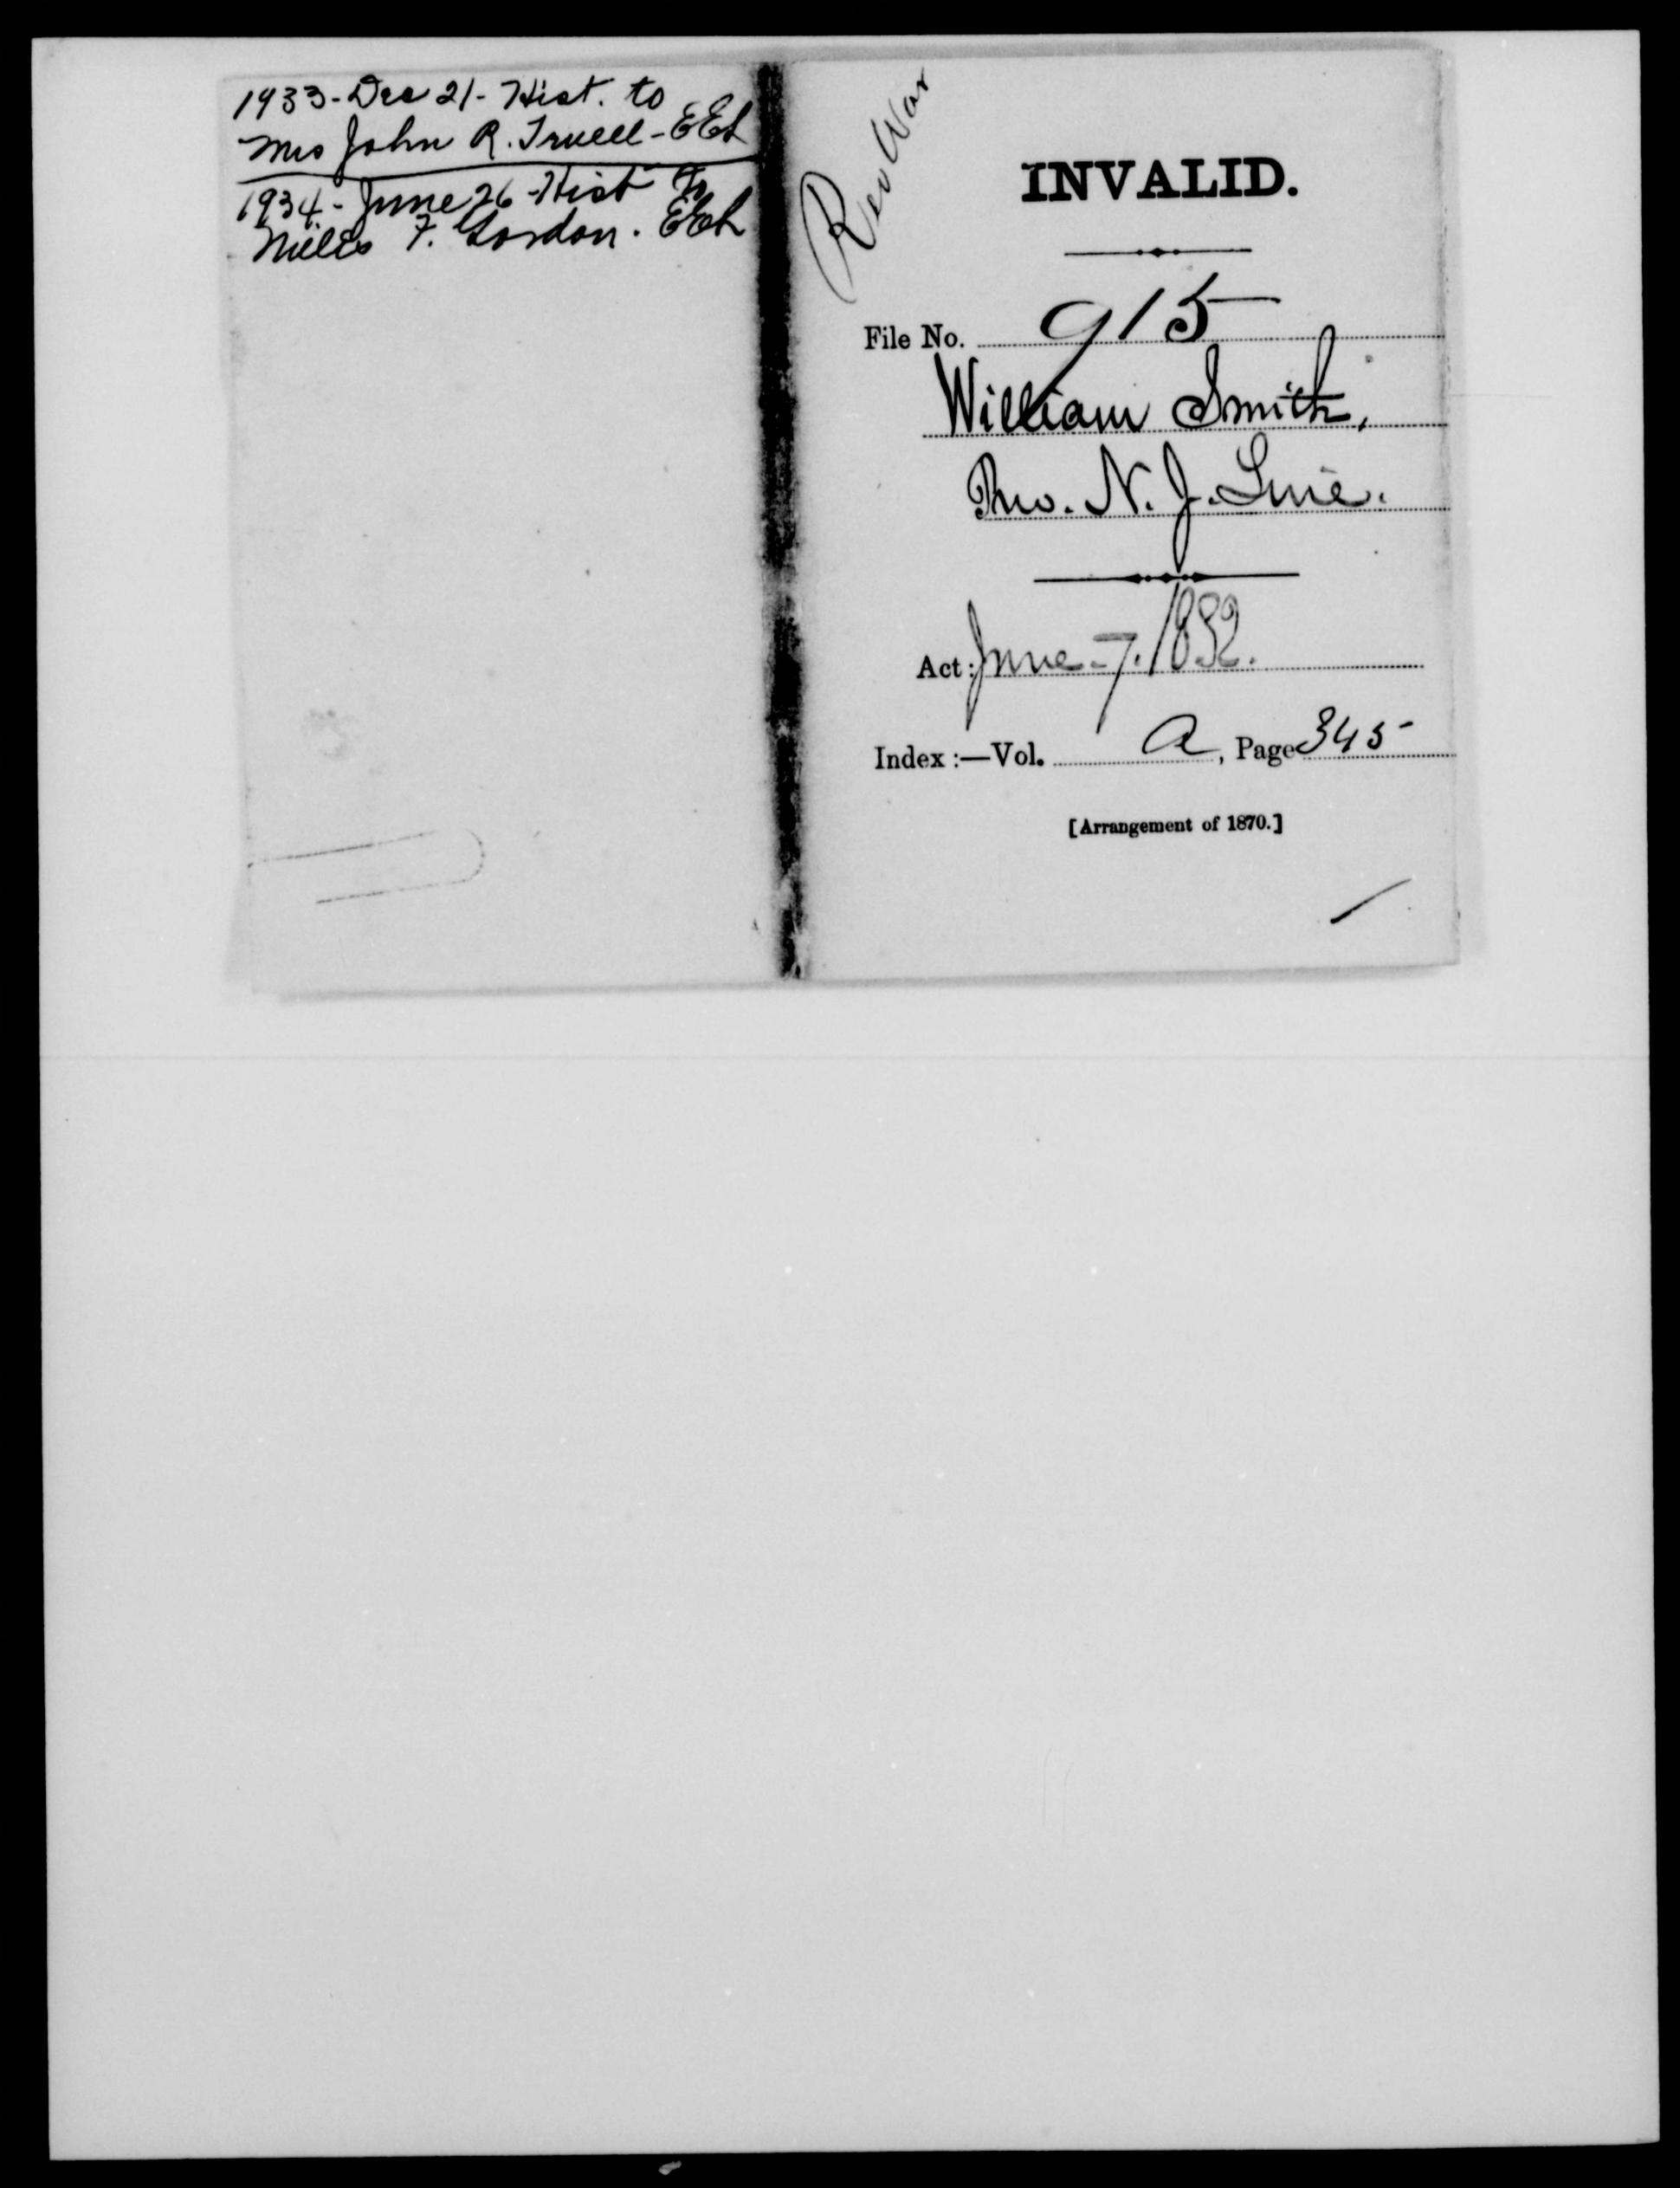[left side]
1933 - Dec 21. Hist to
Mrs John R. Truell - EES
1934 June 26 Hist to
Miles F. Gordon EES

Rev War
INVALID.
File No. 915
William Smith,
Priv N. J. Line.

Act June 7. 1832.
Index: -- Vol. A, Page e45
[Arrangement of 1870.}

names: John R Truell; William Smith; Miles F Gordon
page: 23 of 27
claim: survivor's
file: S. 915, for William Smith, New Jersey